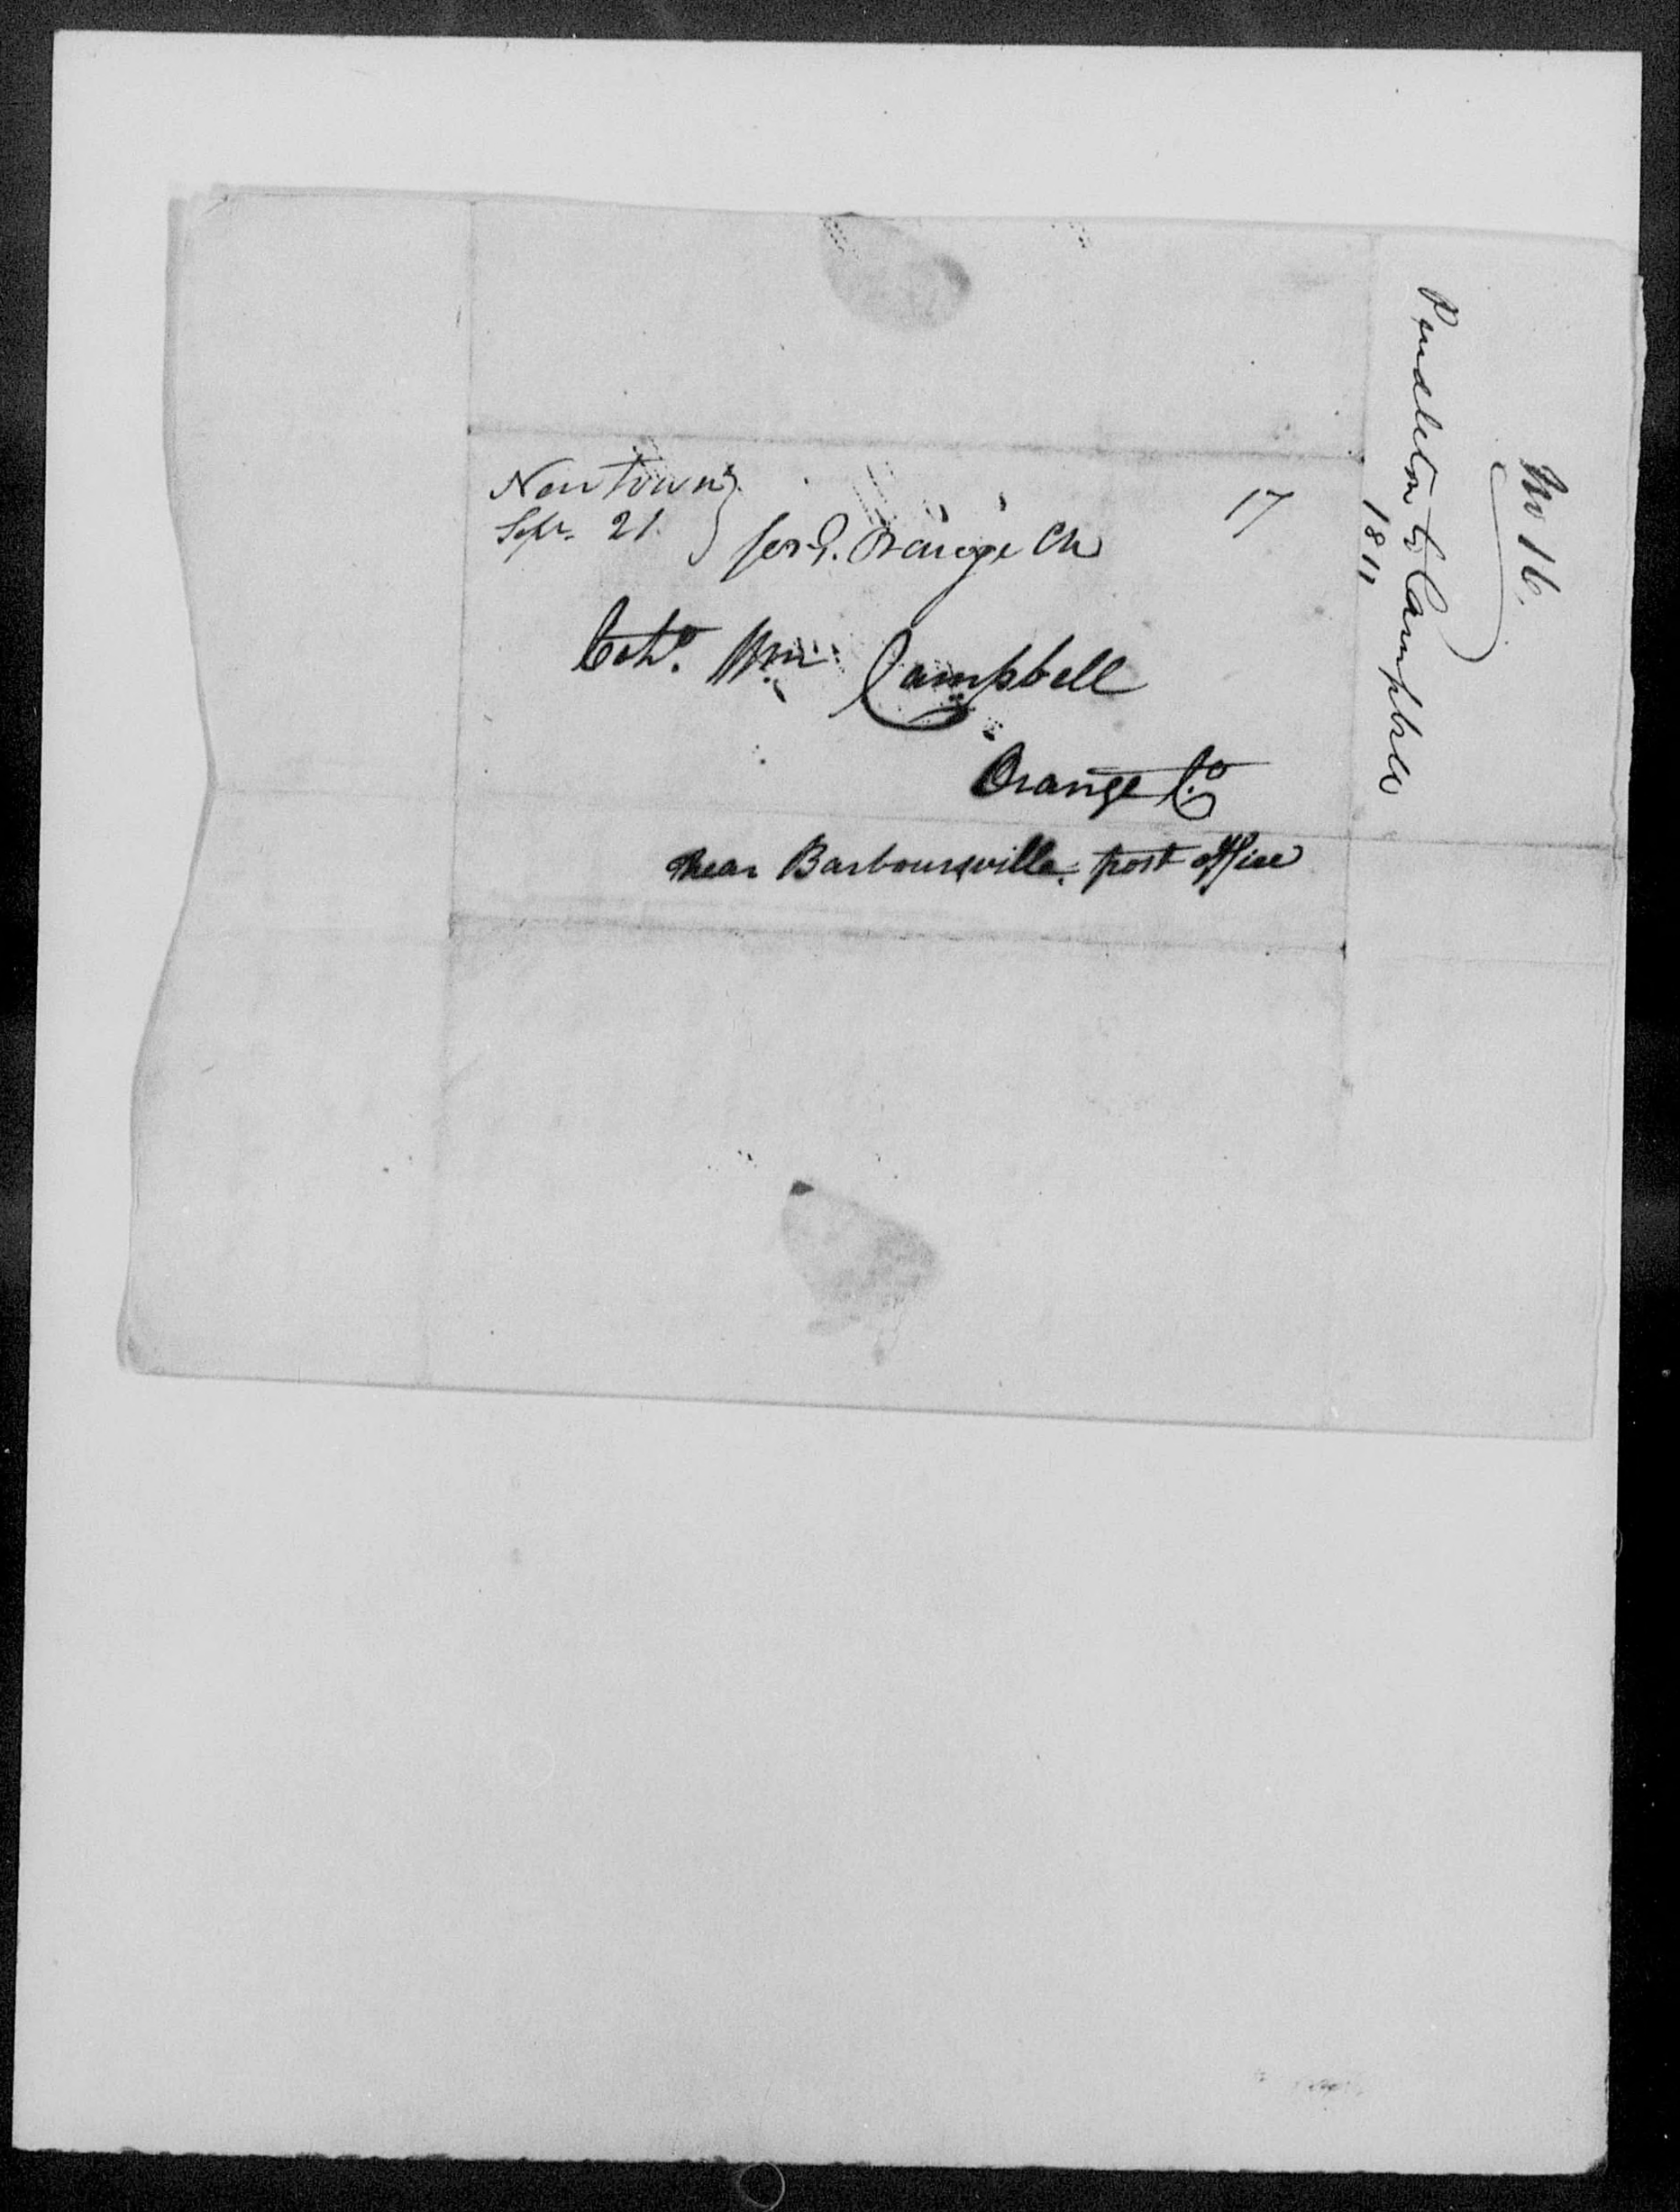[addressed letter]

Newtown
Sepr. 21

Jer G. Baroge Clk

17

Capt. Wm. Campbell
Orange Co.
Near Barboursville. post office


[on right side of page written top to bottom} 
 
No 16.
Pendleton to Campbell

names: Wm Campbell, Campbell, Pendleton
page: 109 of 267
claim: widow's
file: W. 4,149, William Campbell, Va.